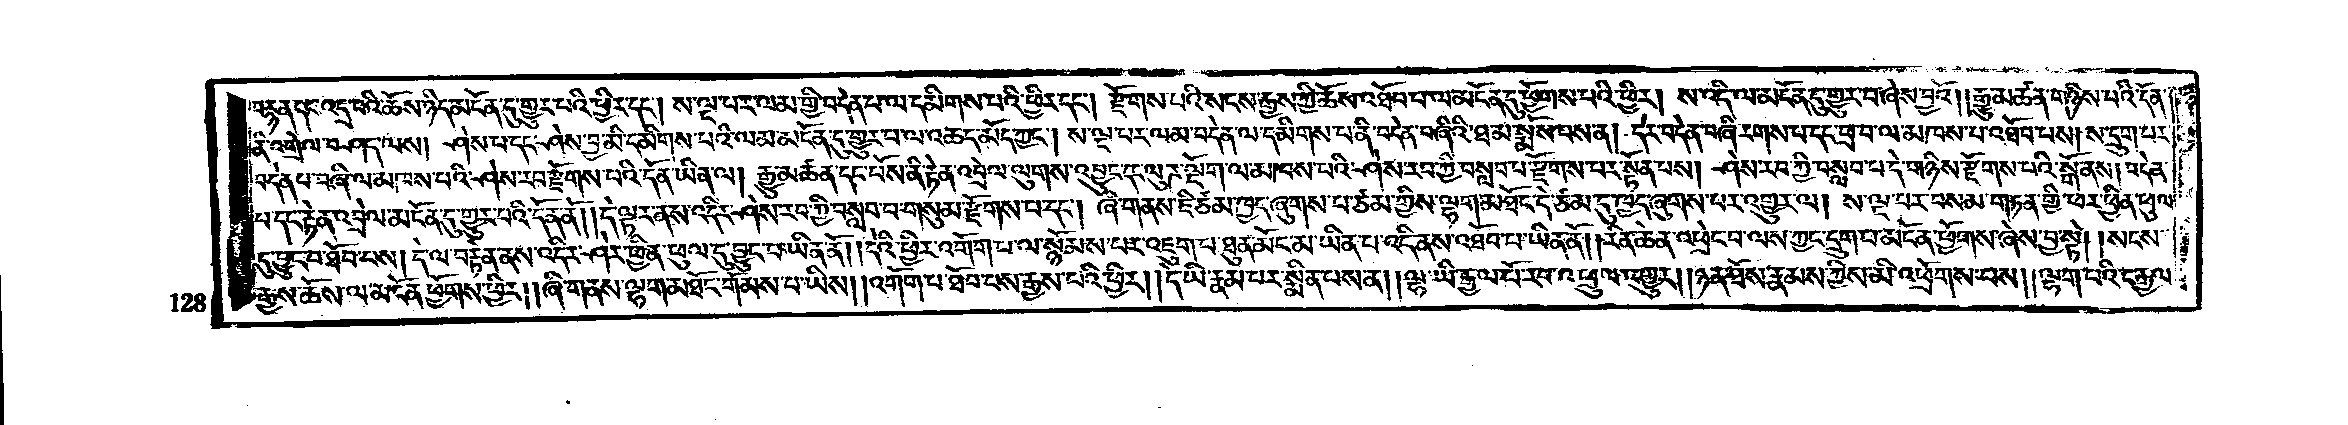བརྙན་དང་འདྲ་བའི་ཆོས་ཉིད་མངོན་དུ་གྱུར་པའི་ཕྱིར་དང་། ས་ལྔ་པར་ལམ་གྱི་བདེན་པ་ལ་དམིགས་པའི་ཕྱིར་དང་། རྫོགས་པའི་སངས་རྒྱས་ཀྱི་ཆོས་འཐོབ་པ་ལ་མངོན་དུ་ཕྱོགས་པའི་ཕྱིར། ས་འདི་ལ་མངོན་དུ་གྱུར་བ་ཞེས་བྱའོ། །རྒྱུ་མཚན་གཉིས་པའི་དོན་
ནི་འགྲེལ་བཤད་ལས། ཤེས་པ་དང་ཤེས་བྱ་མི་དམིགས་པའི་ལམ་མངོན་དུ་གྱུར་པ་ལ་འཆད་མོད་ཀྱང་། ས་ལྔ་པར་ལམ་བདེན་ལ་དམིགས་པ་ནི་བདེན་བཞིའི་ཐ་མ་སྨོས་པས་ན། དེར་བདེན་བཞི་རགས་པ་དང་ཕྲ་བ་ལ་མཁས་པ་འཐོབ་པས། ས་དྲུག་པར་
བདེན་པ་བཞི་ལ་མཁས་པའི་ཤེས་རབ་རྫོགས་པའི་དོན་ཡིན་ལ། རྒྱུ་མཚན་དང་པོས་ནི་རྟེན་འབྲེལ་ལུགས་འབྱུང་དང་ལུགས་ལྡོག་ལ་མཁས་པའི་ཤེས་རབ་ཀྱི་བསླབ་པ་རྫོགས་པར་སྟོན་པས། ཤེས་རབ་ཀྱི་བསླབ་པ་དེ་གཉིས་རྫོགས་པའི་སྒོ་ནས། བདེན་
པ་དང་རྟེན་འབྲེལ་མངོན་དུ་གྱུར་པའི་དོན་ནོ། །དེ་ལྟར་ན་ས་འདིར་ཤེས་རབ་ཀྱི་བསླབ་པ་གསུམ་རྫོགས་པ་དང་། ཞི་གནས་ཇི་ཙམ་ཁྱད་ཞུགས་པ་ཙམ་གྱིས་ལྷག་མཐོང་དེ་ཙམ་དུ་ཁྱད་ཞུགས་པར་འགྱུར་ལ། ས་ལྔ་པར་བསམ་གཏན་གྱི་ཕར་ཕྱིན་ཕུལ་
དུ་བྱུང་བ་ཐོབ་པས། དེ་ལ་བརྟེན་ནས་འདིར་ཤེར་ཕྱིན་ཕུལ་དུ་བྱུང་བ་ཡིན་ནོ། །དེའི་ཕྱིར་འགོག་པ་ལ་སྙོམས་པར་འཇུག་པ་ཐུན་མོང་མ་ཡིན་པ་འདི་ནས་འཐོབ་པ་ཡིན་ནོ། །རིན་ཆེན་འཕྲེང་བ་ལས་ཀྱང་དྲུག་པ་མངོན་ཕྱོགས་ཞེས་བྱ་སྟེ། །སངས་
རྒྱས་ཆོས་ལ་མངོན་ཕྱོགས་ཕྱིར། །ཞི་གནས་ལྷག་མཐོང་གོམས་པ་ཡིས། །འགོག་པ་ཐོབ་པས་རྒྱས་པའི་ཕྱིར། །དེ་ཡི་རྣམ་པར་སྨིན་པས་ན། །ལྷ་ཡི་རྒྱལ་པོ་རབ་འཕྲུལ་འགྱུར། །ཉན་ཐོས་རྣམས་ཀྱིས་མི་འཕྲོགས་པས། །ལྷག་པའི་ང་རྒྱལ་